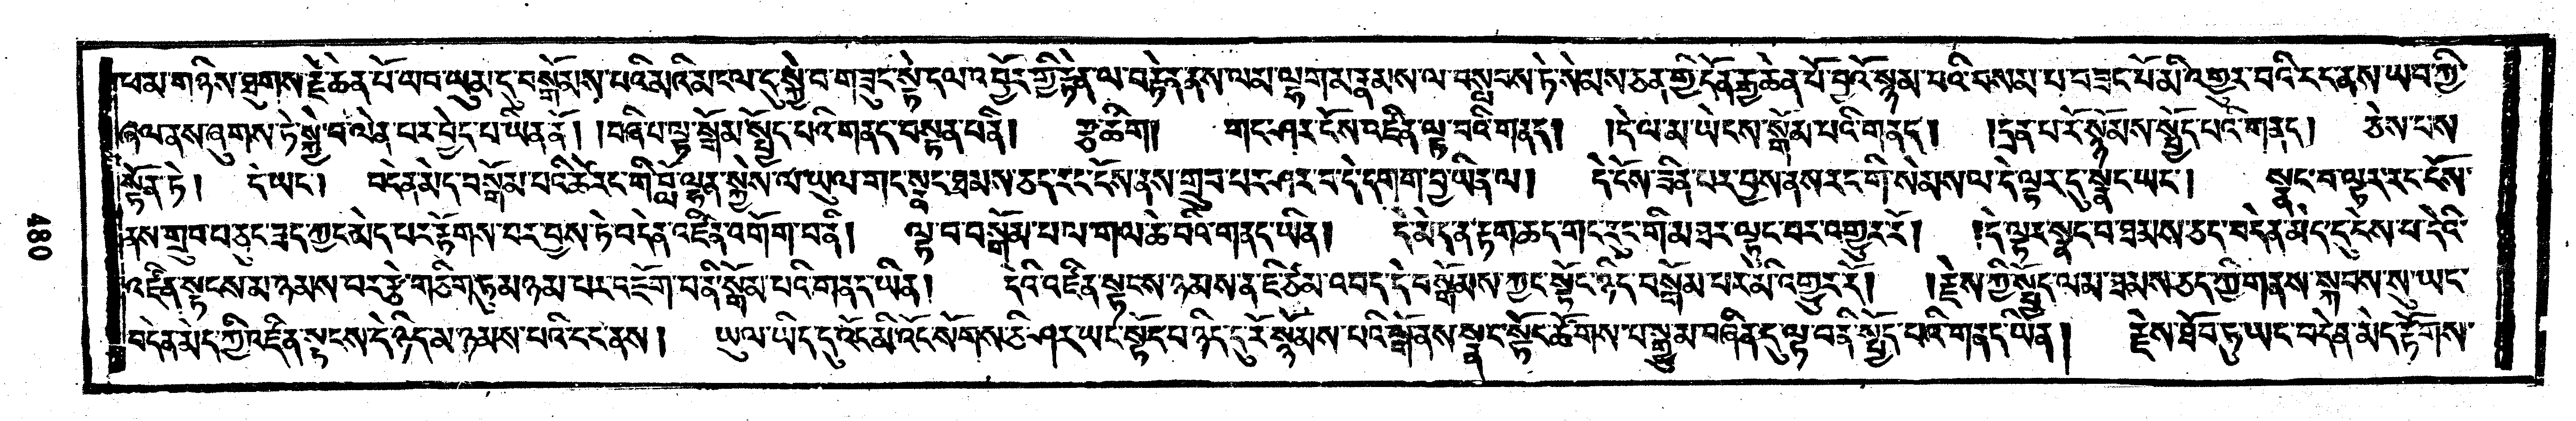ཕ་མ་གཉིས་ཐུགས་རྗེ་ཆེན་པོ་ཡབ་ཡུམ་དུ་བསྒོམས་པའི་མའི་མངལ་དུ་སྐྱེ་བ་གཟུང་སྟེ་དལ་འབྱོར་གྱི་རྟེན་ལ་བརྟེན་ནས་ལམ་ལྷག་མ་རྣམས་ལ་བསླབས་ཏེ་སེམས་ཅན་གྱི་དོན་རྒྱ་ཆེན་པོ་བྱའོ་སྙམ་པའི་བསམ་བ་བཟང་པོ་མི་འགྱུར་བའི་ངང་ནས་ཡབ་ཀྱི་
ཞལ་ནས་ཞུགས་ཏེ་སྐྱེ་བ་ལེན་པར་བྱེད་པ་ཡིན་ནོ། །བཞི་པ་ལྟ་སྒོམ་སྤྱོད་པའི་གནད་བསྟན་པ་ནི། རྩ་ཚིག། གང་ཤར་ངོས་འཛིན་ལྟ་བའི་གནད། །དེ་ལ་མ་ཡེངས་སྒོམ་པའི་གནད། །དྲན་པ་རོ་སྙོམས་སྤྱོད་པའི་གནད། ཅེས་པས་
སྟོན་ཏེ། དེ་ཡང་། བདེན་མེད་བསྒོམ་པའི་ཚེ་རང་གི་བློ་ལྷན་སྐྱེས་ལ་ཡུལ་གང་སྣང་ཐམས་ཅད་རང་ངོས་ནས་གྲུབ་པར་ཤར་བ་དེ་དགག་བྱ་ཡིན་ལ། དེ་ངོས་ཟིན་པར་བྱས་ནས་རང་གི་སེམས་ལ་དེ་ལྟར་དུ་སྣང་ཡང་། སྣང་བ་ལྟར་རང་ངོས་
ནས་གྲུབ་བཅུང་ཟད་ཀྱང་མེད་པར་རྟོགས་པར་བྱས་ཏེ་བདེན་འཛིན་འགོག་པ་ནི། ལྟ་བ་བསྒོམ་པ་ལ་གལ་ཆེ་བའི་གནད་ཡིན། དེ་མེད་ན་རྟག་ཆད་གང་རུང་གི་མཐར་ལྟུང་བར་འགྱུར་རོ། །དེ་ལྟར་སྣང་བ་ཐམས་ཅད་བདེན་མེད་དུ་ངེས་པ་དེའི་
འཛིན་སྟངས་མ་ཉམས་བར་རྩེ་གཅིག་ཏུ་མཉམ་པར་འཇོག་པ་ནི་སྒོམ་པའི་གནད་ཡིན། དེའི་འཛིན་སྟངས་ཉམས་ན་ཇི་ཙམ་འབད་དེ་བསྒོམས་ཀྱང་སྟོང་ཉིད་བསྒོམ་པར་མི་འགྱུར་རོ། །རྗེས་ཀྱི་སྤྱོད་ལམ་ཐམས་ཅད་ཀྱི་གནས་སྐབས་སུ་ཡང་
བདེན་མེད་ཀྱི་འཛིན་སྟངས་དེ་ཉིད་མ་ཉམས་པའི་ངང་ནས། ཡུལ་ཡིད་དུ་འོང་མི་འོང་སོགས་ཅི་ཤར་ཡང་སྟོང་པ་ཉིད་དུ་རོ་སྙོམས་པའི་སྒོ་ནས་སྣང་སྟོང་ཚོགས་པ་སྒྱུ་མ་བཞིན་དུ་ལྟ་བ་ནི་སྤྱོད་པའི་གནད་ཡིན། རྗེས་ཐོབ་ཏུ་ཡང་བདེན་མེད་རྟོག་